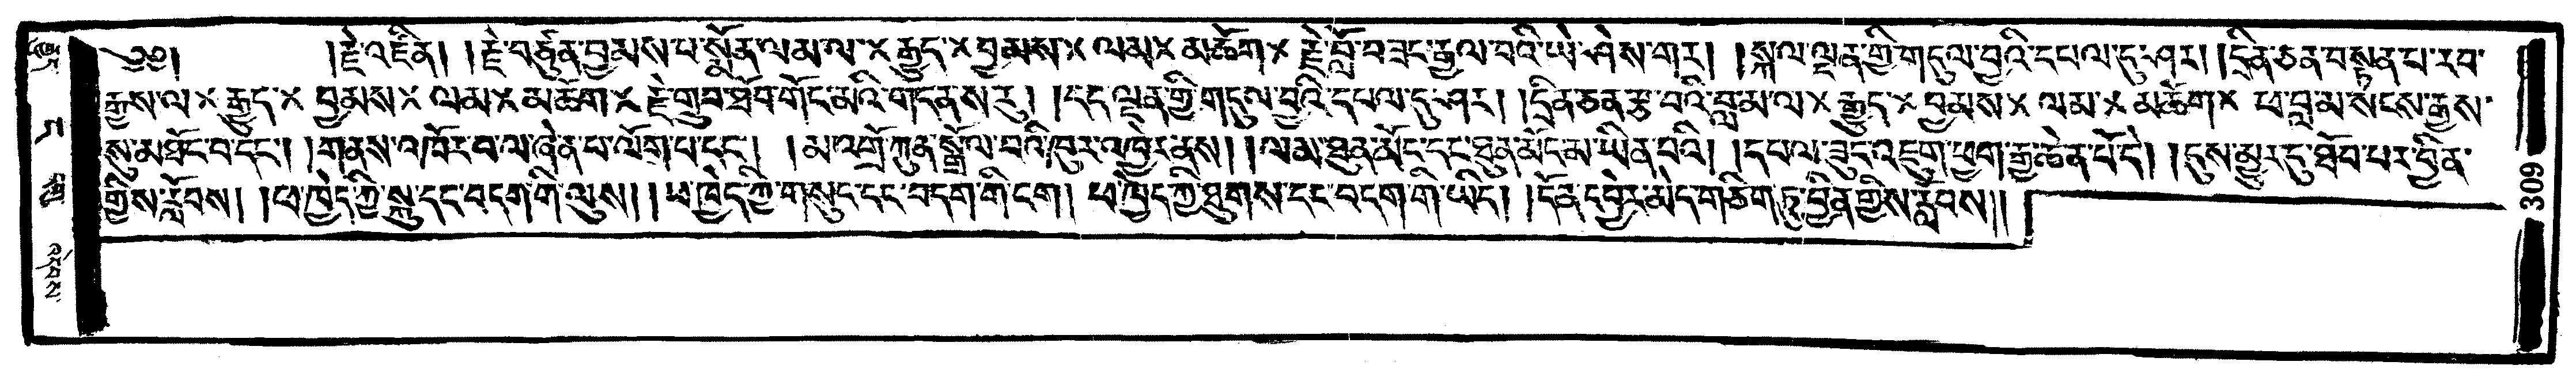༄༅། །རྗེ་འཛིན། །རྗེ་བཙུན་བྱམས་པ་སྨོན་ལམ་ལ་{྾}་རྒྱུད་{྾}་བྱམས་{྾}་ལམ་{྾}་མཆོག་{྾}་རྗེ་བློ་བཟང་རྒྱལ་བའི་ཡེ་ཤེས་གར། །སྐལ་ལྡན་གྱི་གདུལ་བྱའི་དཔལ་དུ་ཤར། །དྲིན་ཅན་བསྟན་པ་རབ་
རྒྱས་ལ་{྾}་རྒྱུད་{྾}་བྱམས་{྾}་ལམ་{྾}་མཆོག་{྾}་རྗེ་གྲུབ་ཐོབ་གོང་མའི་གདན་ས་རུ། །དད་ལྡན་གྱི་གདུལ་བྱའི་དཔལ་དུ་ཤར། །དྲིན་ཅན་རྩ་བའི་བླ་མ་ལ་{྾}་རྒྱུད་{྾}་བྱམས་{྾}་ལམ་{྾}་མཆོག་{྾}་ཕ་བླ་མ་སངས་རྒྱས་
སུ་མཐོང་བ་དང་། །གནས་འཁོར་བ་ལ་ཞེན་པ་ལོག་པ་དང་། །མ་འགྲོ་ཀུན་སྒྲོལ་བའི་ཁུར་འཁྱེར་ནས། །ལམ་ཐུན་མོང་དང་ཐུན་མོང་མ་ཡིན་པའི། །དཔལ་ཟུང་འཇུག་ཕྱག་རྒྱ་ཆེན་པོ་དེ། །དུས་མྱུར་དུ་ཐོབ་པར་བྱིན་
གྱིས་རློབས། །ཕ་ཁྱེད་ཀྱི་སྐུ་དང་བདག་གི་ལུས། །ཕ་ཁྱེད་ཀྱི་གསུང་དང་བདག་གི་ངག །ཕ་ཁྱེད་ཀྱི་ཐུགས་དང་བདག་གི་ཡིད། །དོན་དབྱེར་མེད་གཅིག་ཏུ་བྱིན་གྱིས་རློབས། །